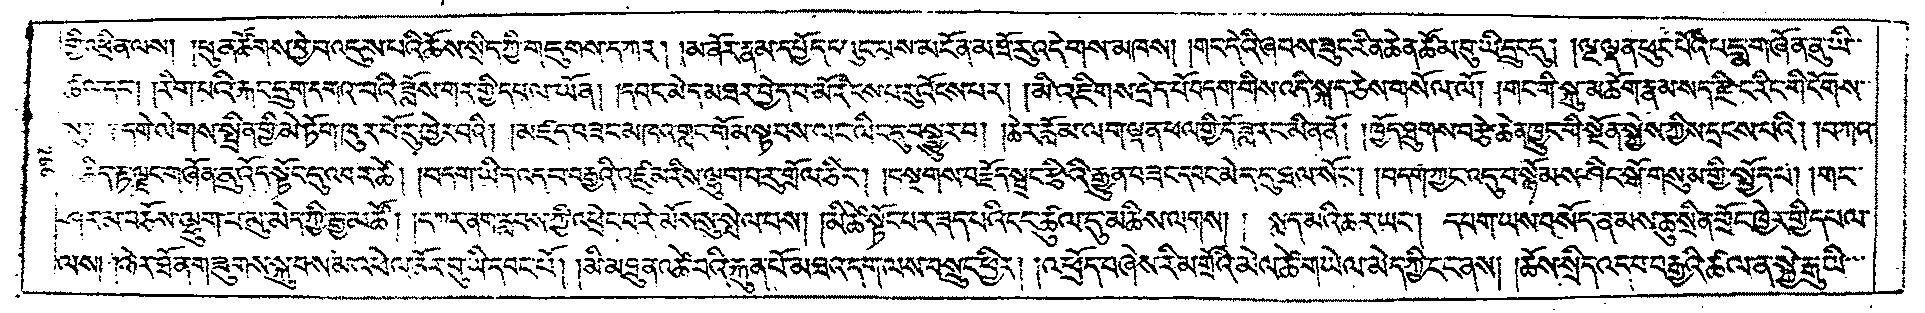གྱི་འཕྲིན་ལས། །ཕུན་ཚོགས་བྱེ་བ་འདུས་པའི་ཆོས་སྲིད་ཀྱི་གདུགས་དཀར། །མ་ནོར་རྣམ་དཔྱོད་དཔུང་པས་མངོན་མཐོ་རུ་འདེགས་མཁས། །གང་དེའི་ཞབས་ཟུང་རིན་ཆེན་ཚོམ་བུ་ཡི་དྲུང་དུ། །ལྔ་ལྡན་ཕུང་པོའི་པདམ་གཞོན་ནུ་ཡི་
ཚལ་དང་། །རིག་པའི་རྐང་དྲུག་དགའ་བའི་ཟློས་གར་གྱི་དཔལ་ཡོན། །དབང་མེད་མཐར་བྱེད་བ་མོ་རིངས་པ་རུ་འོངས་པར། །མི་འཇིགས་དྲེད་པོ་བདག་གིས་འདི་སྐད་ཅེས་གསོལ་ལོ། །གང་གི་སྐུ་མཆོག་རྣམ་སད་རྫིང་རིང་གི་དོགས་
སུ༑ ༑དགེ་ལེགས་སྤྲིན་གྱི་མེ་ཏོག་ཁུར་པོ་རུ་ཁྱེར་བའི། །མཛད་བཟང་མཁའ་གླང་གོམ་སྟབས་ལང་ལིང་དུ་བསྒྱུར་བ། །ཆེར་རློམ་ལག་ལྡན་ཕལ་གྱི་དོ་ཟླ་རང་མིན་ནོ། །ཁྱོད་ཐུགས་བརྩེ་ཆེན་ཁྱུང་གི་སྔོན་སྐྱེས་ཀྱིས་དྲངས་པའི། །བཀའ་
མཆིད་རྟ་ལྗང་གཞོན་ནུ་འོད་སྟོང་དུ་འབར་ཚེ། །བདག་ཡིད་འདབ་བརྒྱའི་འཛུམ་རིས་ལྷུག་པ་རུ་གྲོལ་ཅིང་། །བསྔགས་བརྗོད་སྦྲང་རྩིའི་རྒྱུན་བཟང་དབང་མེད་དུ་ཐལ་སོང་། །བདག་ཀྱང་འདུ་བ་སྙོམས་ཤིང་སྒོ་གསུམ་གྱི་སྤྱོད་པ། །གང་
ཤར་མ་བཅོས་ལྷུག་པ་མུ་མེད་ཀྱི་རྒྱ་མཚོ། །དཀར་ནག་རླབས་ཀྱི་འཕྲེང་བ་རེ་མོས་སུ་སྤེལ་བས། །མི་ཚེ་སྟོང་པར་ཟད་པའི་ངང་ཚུལ་དུ་མཆིས་ལགས། །སླད་མའི་ཆར་ཡང་། དཔག་ཡས་བསོད་ནམས་ཆུ་སྲིན་གྲོང་ཁྱེར་གྱི་དཔལ་
ལས། །ཉེར་ཐོན་གཟུགས་སྐུ་བསམ་འཕེལ་ནོར་བུ་ཡི་དབང་པོ། །མི་མཐུན་འཚེ་བའི་རྐུན་པོ་མཐའ་དག་ལས་བསྲུང་ཕྱིར། །འཕྲོད་བཞེས་རིམ་གྲོའི་མེལ་ཚེ་གཡེལ་མེད་ཀྱི་ངང་ནས། །ཆོས་སྲིད་འདབ་བརྒྱའི་ཚལ་ན་སྐྱེ་རྒུ་ཡི་